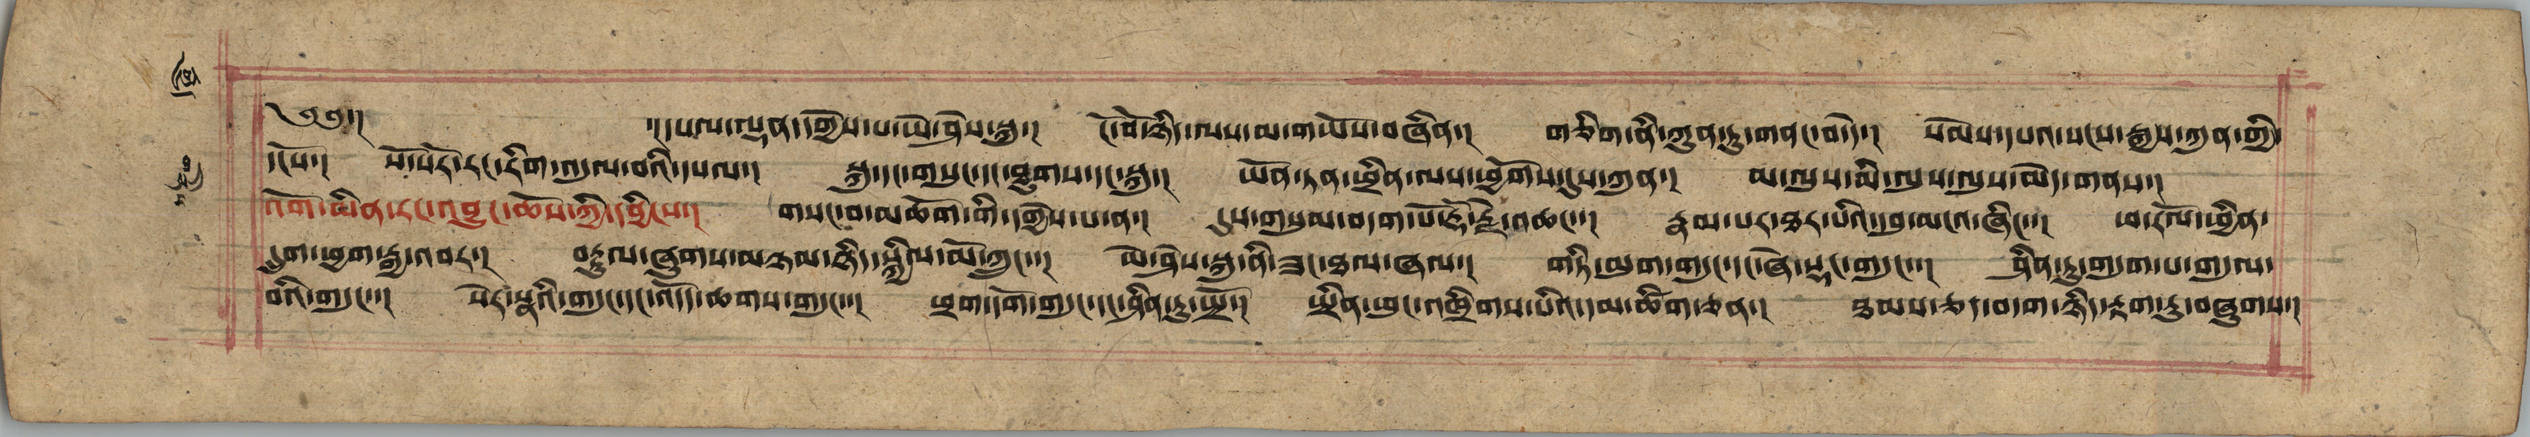༄༅་། ་།་དཔལ་ལྡན་དགྱེས་པ་ཡེ་ཤེས་སྐུ་། ངོ་བོ་ཉིད་ལས་མ་གཡོས་བཞིན་། གཅིག་ནི་ཀུན་ཏུ་གནང་བ་དེ་། སེམས་དཔའ་སངས་རྒྱས་ཀུན་གྱི་
དངོས་། སོ་སོར་རང་རིག་འདུལ་བའི་དཔལ་། སྐུ་དང་གསུང་དང་ཐུགས་དང་སྐུ་། ཡོན་ཏན་ཕྲིན་ལས་ཕྱོགས་དུས་ཀུན་། མ་ལུས་མི་ལུས་ལུས་མེད་གནས་།
འོག་མིན་རང་བྱུང་ཆོས་ཀྱི་དབྱིངས་། གསང་བ་མཆོག་གི་དགྱེས་པ་ན་། དུས་གསུམ་བདག་པོ་རྡོ་རྗེ་འཆང་་། རྣམ་པར་ཐར་པའི་དབུ་མངའ་ཞིང་་། ཕ་རོལ་ཕྱིན་
དྲུག་ཕྱག་རྒྱ་འབར་། བརྟུལ་ཞུགས་མཉམ་ཉིད་སྐྱིལ་མོ་ཀྲུང་་། ཡེ་ཤེས་སྐུ་ནི་ཟང་ཐལ་ཞལ་། གཏི་མུག་གདུང་དང་ཞེ་སྡང་གདུང་་། ཤིན་ཏུ་གདུག་པ་གདུལ་
བའི་གདུང་་། སེར་སྣའི་གདུང་དང་འདོད་ཆགས་གདུང་་། ཕྲག་དོག་གདུང་དང་ཤིན་ཏུ་སྤྲོ་། སྤྲིན་ཕུང་འཁྲིགས་པའི་དམ་ཚིག་ཅན་། ཐམས་ཅད་བདག་ཉིད་རྟག་ཏུ་བཞུགས་།